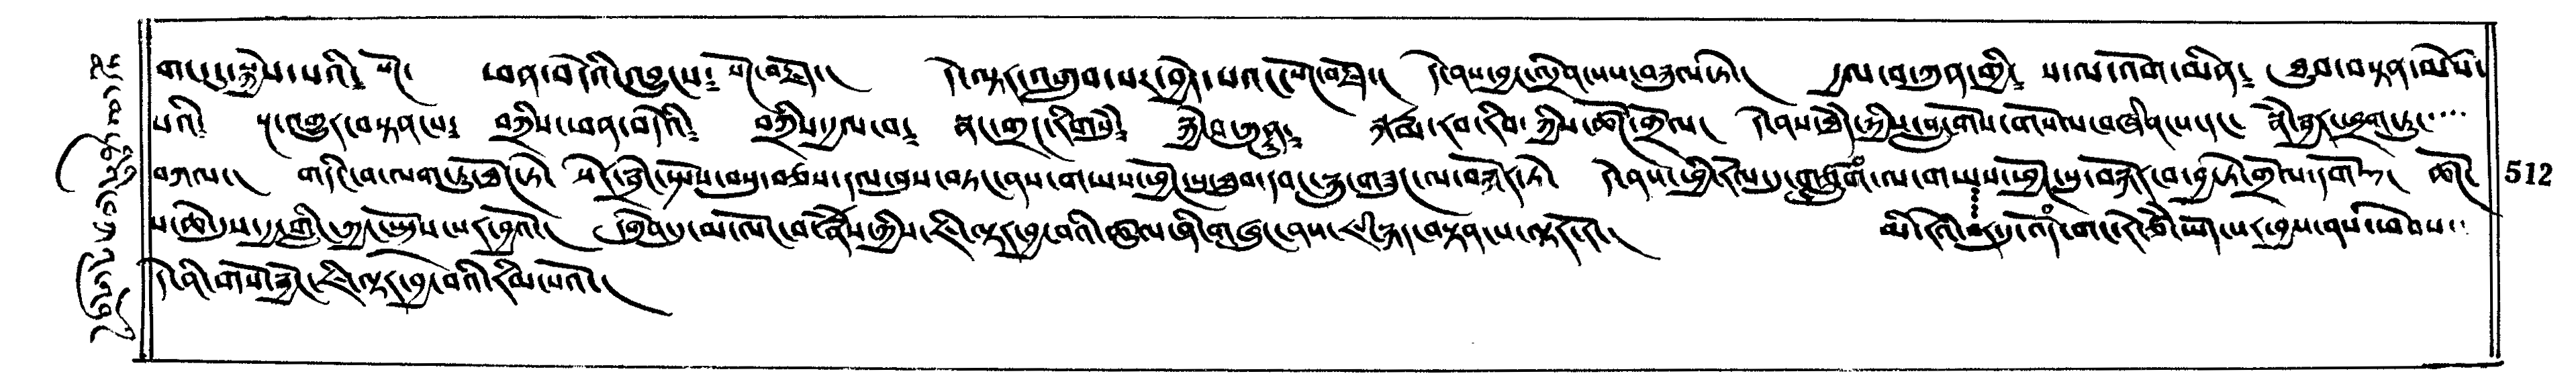གང་དུ་སྐྱེས་པའི་སོགས། ཕན་བདེའི་འབྱུང་གནས་སོགས་བརྗོད། དེ་ལྟར་འགྲུབ་པར་བྱེད་པའང་སོགས་བརྗོད། དེ་ནས་བྱང་འདྲེན་པས་བསྐུལ་ཏེ། རྒྱལ་བ་ཀུན་ཀྱི༴ ས་ལ་འོག་མིན༴ ཐུབ་བསྟན་མཛེས་
པའི༴ སྔ་འགྱུར་བསྟན་པ༴ བཀྲ་ཤིས་ཕན་བདེའི༴ བཀྲ་ཤིས་རྒྱལ་བ༴ སྣང་གྲགས་རིག་གསུམ༴ སྐྱེ་བ་ཀུན་ཏུ༴ སྐར་མ་རབ་རིབ་ཀྱིས་ཚོགས་གྲོལ། དེ་ནས་ཐམས་ཅད་ཀྱིས་བླ་གོས་གསོལ་བཞིན་པ་དང་། སྣམ་སྦྱར་ཕྲག་ཏུ་
བཀལ། གདིང་བ་ལག་ཏུ་ཐོགས་ཏེ། སེར་སྦྲེངས་སྤོས་བསུ་བཅས་དལ་བུས་བཏང་ནས་གཡས་ཕྱོགས་སུ་ཐུབ་དབང་སྐུ་གཟུགས་ལ་བསྐོར་ཏེ། དེ་ནས་ཕྱི་རོལ་དུ་གཙུག་ལག་ཁང་ལ་གཡས་ ༼མི་རེའི་བར་དུ་འདོམ་གང་རེ་ཙམ་ཡོད་པར་བྱས་ནས་ཕེབས།༽ ཕྱོགས་སུ་བསྐོར་བ་བྱས་ཏེ་གྲོལ་དགོས། ཚོགས་
པ་ཆེ་དུས་རྒྱ་གླིང་ཡང་སྤྲོས་པར་བྱའོ། །དགེ་འདུན་དུ་མ་ལོངས་བ་རྣམས་ཀྱིས་ཇི་ལྟར་བྱ་བའི་ཚུལ་ནི་གཞུང་ནས་ཇི་སྐད་བསྟན་པ་ལྟར་རོ།། 
དེ་ནི་གསོ་སྦྱོང་ཇི་ལྟར་བྱ་བའི་རིམ་པའོ།། །།